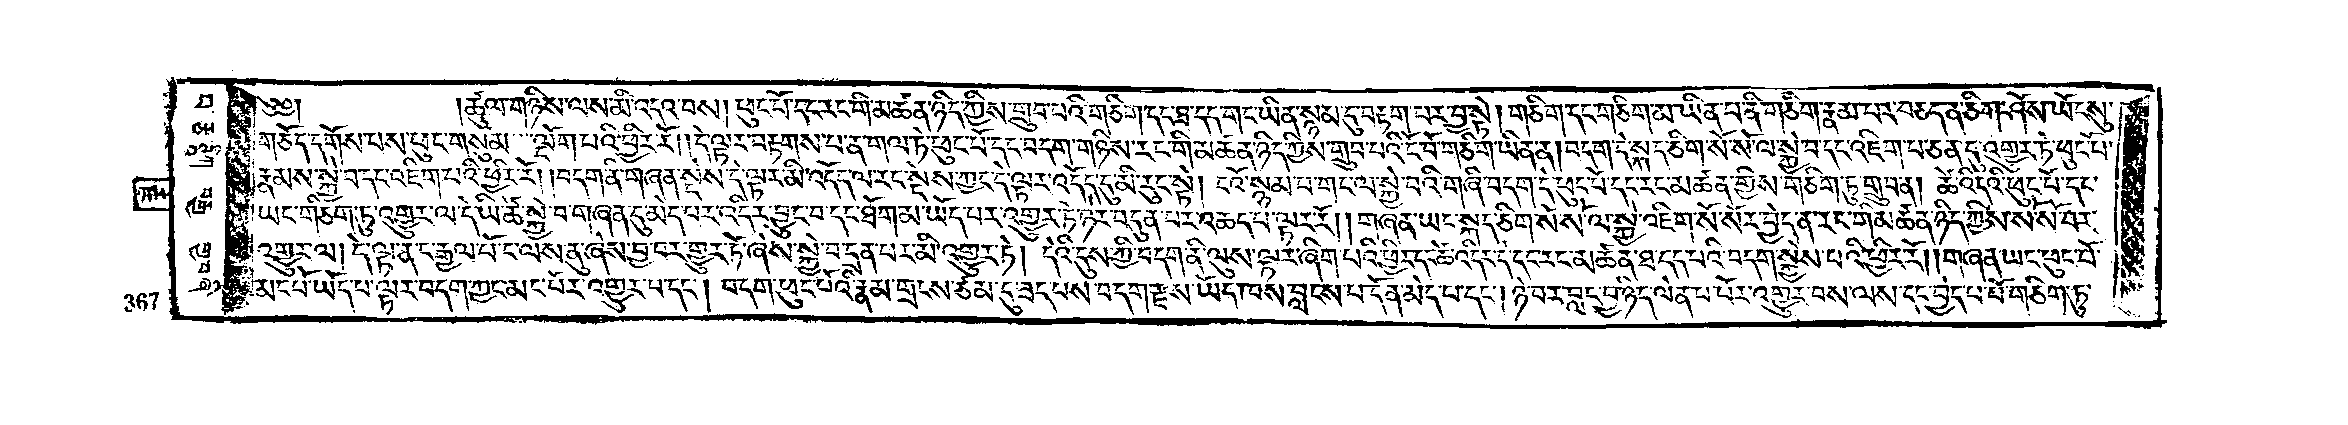༄༅། །ཆུལ་གཉིས་ལས་མི་འདའ་བས། ཕུང་པོ་དང་རང་གི་མཚན་ཉིད་ཀྱིས་གྲུབ་པའི་གཅིག་དང་ཐ་དད་གང་ཡིན་སྙམ་དུ་བརྟག་པར་བྱ་སྟེ། གཅིག་དང་གཅིག་མ་ཡིན་པ་ནི་གཅིག་རྣམ་པར་བཅད་ན་ཅིག་ཤོས་ཡོངྶུ་
གཅོད་དགོས་པས་ཕུང་གསུམ་ལྡོག་པའི་ཕྱིར་རོ། །དེ་ལྟར་བརྟགས་པ་ན་གལ་ཏེ་ཕུང་པོ་དང་བདག་གཉིས་རང་གི་མཚན་ཉིད་ཀྱིས་གྲུབ་པའི་ངོ་བོ་གཅིག་ཡིན་ན། བདག་དེ་སྐད་ཅིག་སོ་སོ་ལ་སྐྱེ་བ་དང་འཇིག་པ་ཅན་དུ་འགྱུར་ཏེ་ཕུང་པོ་
རྣམས་སྐྱེ་བ་དང་འཇིག་པའི་ཕྱིར་རོ། །བདག་ནི་གཞན་སྡེས་དེ་ལྟར་མི་འདོད་ལ་རང་སྡེས་ཀྱང་དེ་ལྟར་འདོད་དུ་མི་རུང་སྟེ། ངའོ་སྙམ་པ་གང་ལ་སྐྱེ་བའི་གཞི་བདག་དེ་ཕུང་པོ་དང་རང་མཚན་གྱིས་གཅིག་ཏུ་གྲུབ་ན། ཚེ་འདིའི་ཕུང་པོ་དང་
ཡང་གཅིག་ཏུ་འགྱུར་ལ་དེ་ཡི་ཚེ་སྐྱེ་བ་གཞན་དུ་མེད་པར་འདིར་བྱུང་བ་དང་ཐོག་མ་ཡོད་པར་འགྱུར་ཏེ་ཉེར་བདུན་པར་འཆད་པ་ལྟར་རོ། །གཞན་ཡང་སྐད་ཅིག་སོ་སོ་ལ་སྐྱེ་འཇིག་སོ་སོར་བྱེད་ན་རང་གི་མཚན་ཉིད་ཀྱིས་སོ་སོ་བར་
འགྱུར་ལ། དེ་ལྟ་ན་ང་རྒྱལ་པོ་ང་ལས་ནུ་ཞེས་བྱ་བར་གྱུར་ཏོ་ཞེས་སྐྱེ་བ་དྲན་པར་མི་འགྱུར་ཏེ། དེའི་དུས་ཀྱི་བདག་ནི་ལུས་ལྟར་ཞིག་པའི་ཕྱིར་དང་ཚེ་འདིར་དེ་དང་རང་མཚོན་ཐ་དད་པའི་བདག་སྐྱེས་པའི་ཕྱིར་རོ། །གཞན་ཡང་ཕུང་པོ་
མང་པོ་ཡོད་པ་ལྟར་བདག་ཀྱང་མང་པོར་འགྱུར་བ་དང་། བདག་ཕུང་པོའི་རྣམ་གྲངས་ཙམ་དུ་ཟད་པས་བདག་རྫས་ཡོད་ཁས་བླངས་པ་དོན་མེད་པ་དང་། ཉེ་བར་བླང་བྱ་ཉིད་ལེན་པ་པོར་འགྱུར་བས་ལས་དང་བྱེད་པ་པོ་གཅིག་ཏུ་